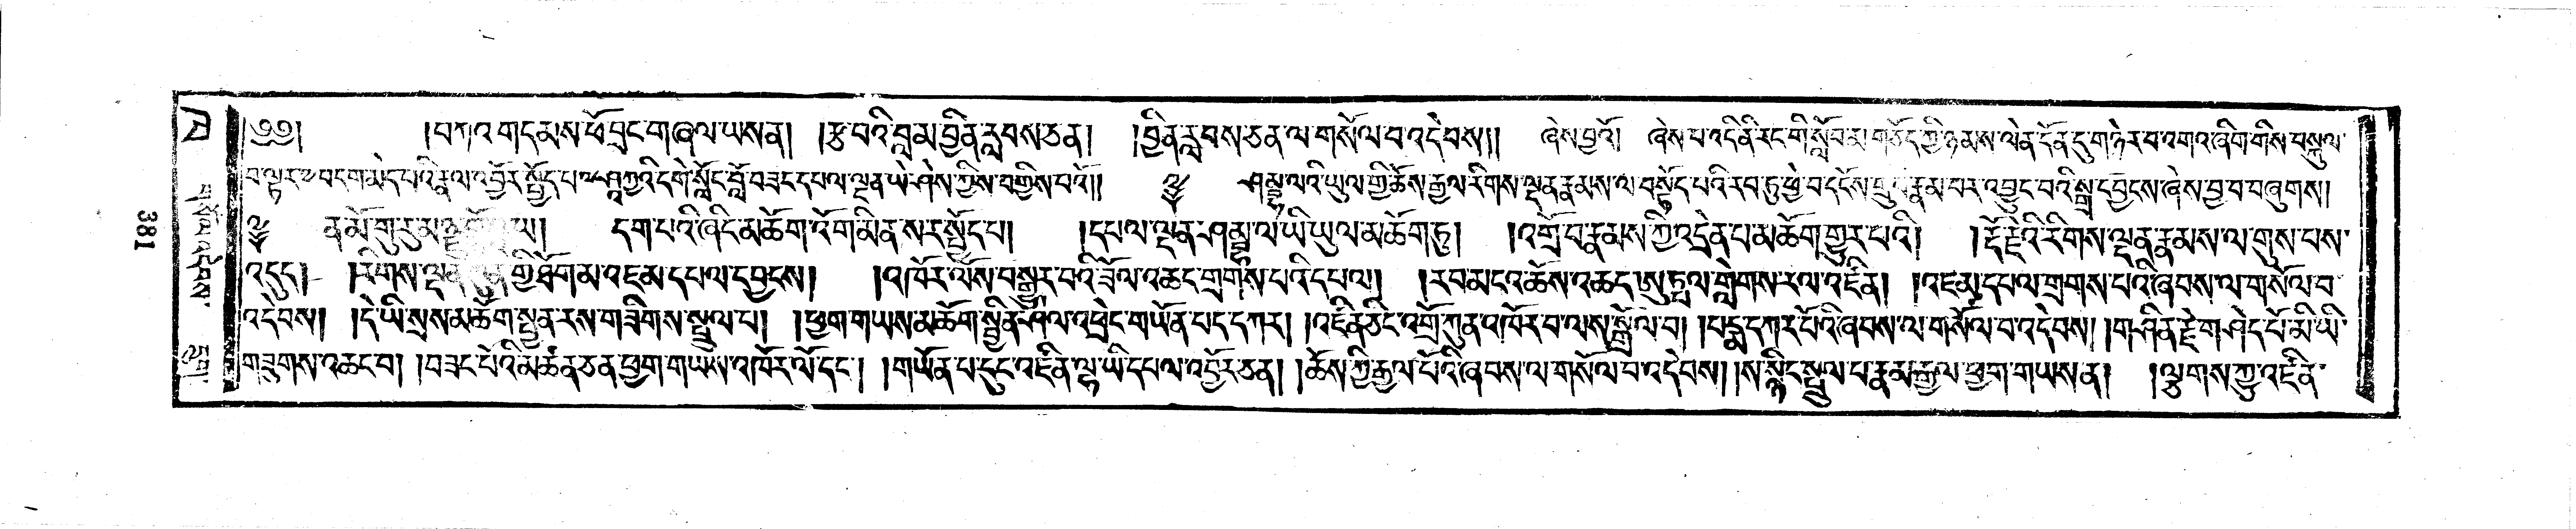༄༅། །བཀའ་གདམས་ཕོ་བྲང་གཞལ་ཡས་ན། །རྩ་བའི་བླ་མ་བྱིན་རླབས་ཅན། །བྱིན་རླབས་ཅན་ལ་གསོལ་བ་འདེབས།། ཞེས་བྱའོ། ཞེས་པ་འདི་ནི་རང་གི་སློབ་མ་གཅོད་ཀྱི་ཉམས་ལེན་དོན་དུ་གཉེར་བ་འགའ་ཞིག་གིས་བསྐུལ་
བ་ལྟར་༧་བདག་མེད་པའི་རྣལ་འབྱོར་སྤྱོད་པ་༧་ཤཱཀྱའི་དགེ་སློང་བློ་བཟང་དཔལ་ལྡན་ཡེ་ཤེས་ཀྱིས་བགྱིས་པའོ།། ༈ ཤམྦྷ་ལའི་ཡུལ་གྱི་ཆོས་རྒྱལ་རིགས་ལྡན་རྣམས་ལ་བསྟོད་པའི་རབ་ཏུ་ཕྱེ་བ་དངོས་གྲུབ་རྣམ་པར་འབྱུང་བའི་སྒྲ་དབྱངས་ཞེས་བྱ་བ་བཞུགས།
༈ ན་མོ་གུ་རུ་མཉྫུ་གྷོ་ཥཱ་ཡ། དག་པའི་ཞིང་མཆོག་འོག་མིན་སར་སྤྱོད་པ། །དཔལ་ལྡན་ཤམྦྷ་ལ་ཡི་ཡུལ་མཆོག་ཏུ། །འགྲོ་བ་རྣམས་ཀྱི་འདྲེན་པ་མཆོག་གྱུར་པའི། །རྡོ་རྗེའི་རིགས་ལྡན་རྣམས་ལ་གུས་པས་
འདུད། །རིགས་ལྡན་ཀུན་གྱི་ཐོག་མ་འཇམ་དཔལ་དབྱངས། །འཁོར་ལོས་བསྒྱུར་བའི་ཟོལ་འཆང་གྲགས་པའི་དཔལ། །རབ་མངའ་ཆོས་འཆད་ཨུཏྤལ་གླེགས་རལ་འཛིན། །འཇམ་དཔལ་གྲགས་པའི་ཞབས་ལ་གསོལ་བ་
འདེབས། །དེ་ཡི་སྲས་མཆོག་སྤྱན་རས་གཟིགས་སྤྲུལ་པ། །ཕྱག་གཡས་མཆོག་སྦྱིན་ཤེལ་འཕྲེང་གཡོན་པད་དཀར། །འཛིན་ཅིང་འགྲོ་ཀུན་འཁོར་བ་ལས་སྒྲོལ་བ། །པདམ་དཀར་པོའི་ཞབས་ལ་གསོལ་བ་འདེབས། །གཤིན་རྗེ་གཤེད་པོ་མི་ཡི་
གཟུགས་འཆང་བ། །བཟང་པོའི་མཚན་ཅན་ཕྱག་གཡས་འཁོར་ལོ་དང་། །གཡོན་པ་དུང་འཛིན་ལྷ་ཡི་དཔལ་འབྱོར་ཅན། །ཆོས་ཀྱི་རྒྱལ་པོའི་ཞབས་ལ་གསོལ་བ་འདེབས། །ས་སྙིང་སྤྲུལ་པ་རྣམ་རྒྱལ་ཕྱག་གཡས་ན། །ལྕགས་ཀྱུ་འཛིན་